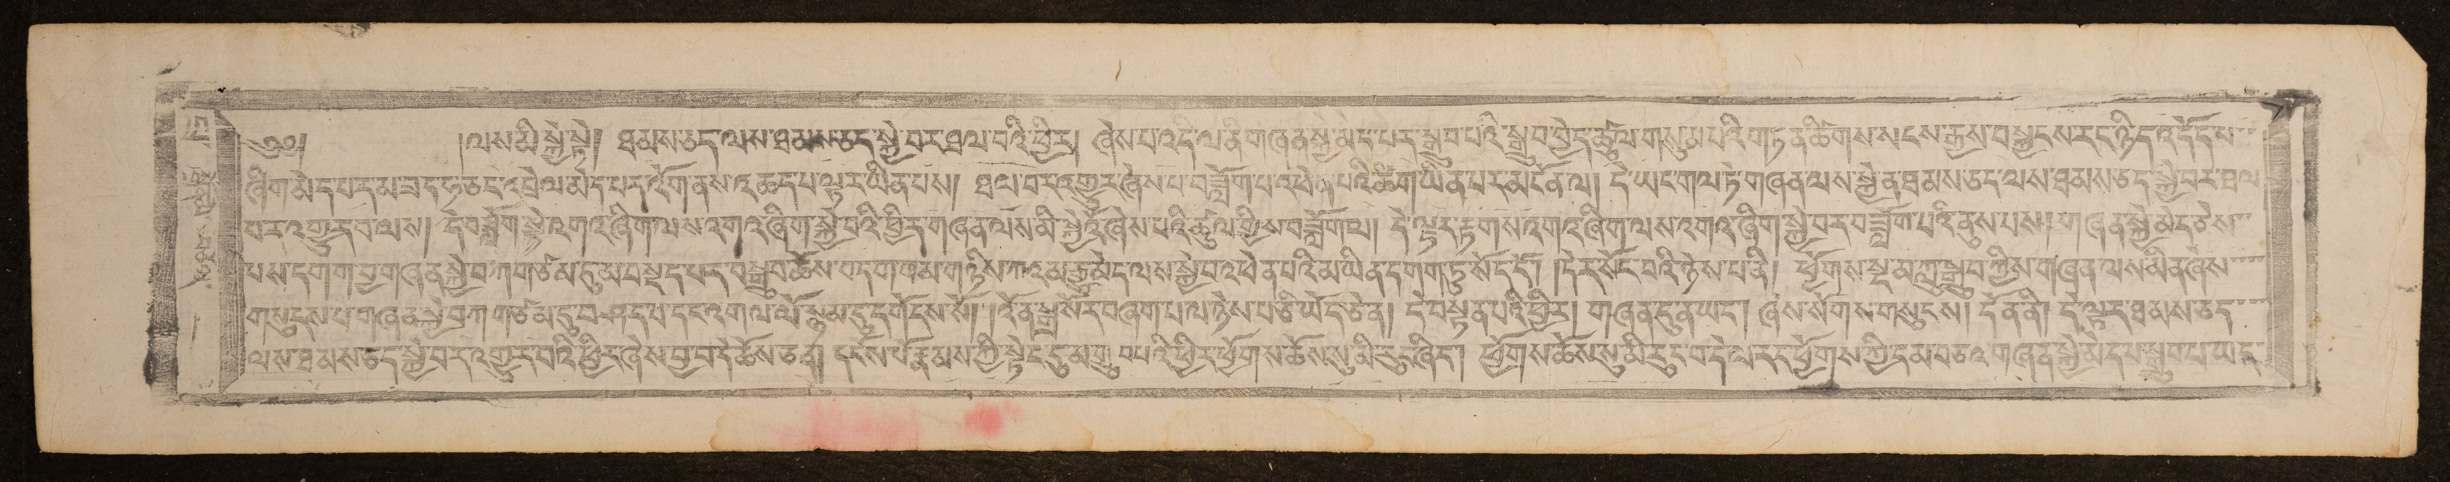༄༅། །ལས་མི་སྐྱེ་སྟེ། ཐམས་ཅད་ལས་ཐམས་ཅད་སྐྱེ་བར་ཐལ་བའི་ཕྱིར། ཞེས་པ་འདི་ལ་ནི་གཞན་སྐྱེ་མེད་པར་སྒྲུབ་པའི་སྒྲུབ་བྱེད་ཚུལ་གསུམ་པའི་གཏན་ཚིགས་སངས་རྒྱས་བསྐྱངས་རང་ཉིད་འདོད་པ་
ཞིག་མེད་པར་མ་ཟད་ཧ་ཅང་འབྲེལ་མེད་པར་འོག་ནས་འཆད་པ་ལྟར་ཡིན་པས། ཐལ་བར་འགྱུར་ཞེས་པ་བཟློག་པ་འཕེན་པའི་ཚིག་ཡིན་པར་མངོན་ལ། དེ་ཡང་གལ་ཏེ་གཞན་ལས་སྐྱེ་ན་ཐམས་ཅད་ལས་ཐམས་ཅད་སྐྱེ་བར་ཐལ་
བར་འགྱུར་བ་ལས། དེ་བཟློག་སྟེ་འགའ་ཞིག་ལས་འགའ་ཞིག་སྐྱེ་བའི་ཕྱིར་གཞན་ལས་མི་སྐྱེའོ་ཞེས་པའི་ཚུལ་གྱིས་བཟློག་ལ། དེ་ལྟར་རྟགས་འགའ་ཞིག་ལས་འགའ་ཞིག་སྐྱེ་བར་བཟློག་པའི་ནུས་པས། གཞན་སྐྱེ་མེད་ཅེས་
པས་དགག་བྱ་གཞན་སྐྱེ་བཀག་ཙམ་དུ་མ་བསྡད་པར་བསྒྲུབ་ཆོས་བདག་གམ་གཉིས་ཀའམ་རྒྱུ་མེད་ལས་སྐྱེ་བ་འཕེན་པའི་མ་ཡིན་དགག་ཏུ་སོང་ངོ། །དེར་སོང་བའི་ཉེས་པ་ནི། ཕྱོགས་སྔ་མ་ཀླུ་སྒྲུབ་ཀྱིས་གཞན་ལས་མིན་ཞེས་
གསུངས་པ་གཞན་སྐྱེ་བཀག་ཙམ་དུ་བཤད་པ་དང་འགལ་ལོ་སྙམ་དུ་དགོངས་སོ། །འོ་ན་སྒྲ་སོར་བཞག་པ་ལ་ཉེས་པ་ཅི་ཡོད་ཅེ་ན། དེ་བསྟན་པའི་ཕྱིར། གཞན་དུ་ན་ཡང་། ཞེས་སོགས་གསུངས། དོན་ནི། དེ་ལྟར་ཐམས་ཅད་
ལས་ཐམས་ཅད་སྐྱེ་བར་འགྱུར་བའི་ཕྱིར་ཞེས་བྱ་བ་དེ་ཆོས་ཅན། དངོས་པོ་རྣམས་ཀྱི་སྟེང་དུ་མ་གྲུབ་པའི་ཕྱིར་ཕྱོགས་ཆོས་སུ་མི་རུང་ཞིང་། ཕྱོགས་ཆོས་སུ་མི་རུང་བ་དེ་ལ་རང་ཕྱོགས་ཀྱི་དམ་བཅའ་གཞན་སྐྱེ་མེད་པ་སྒྲུབ་པ་ཡང་